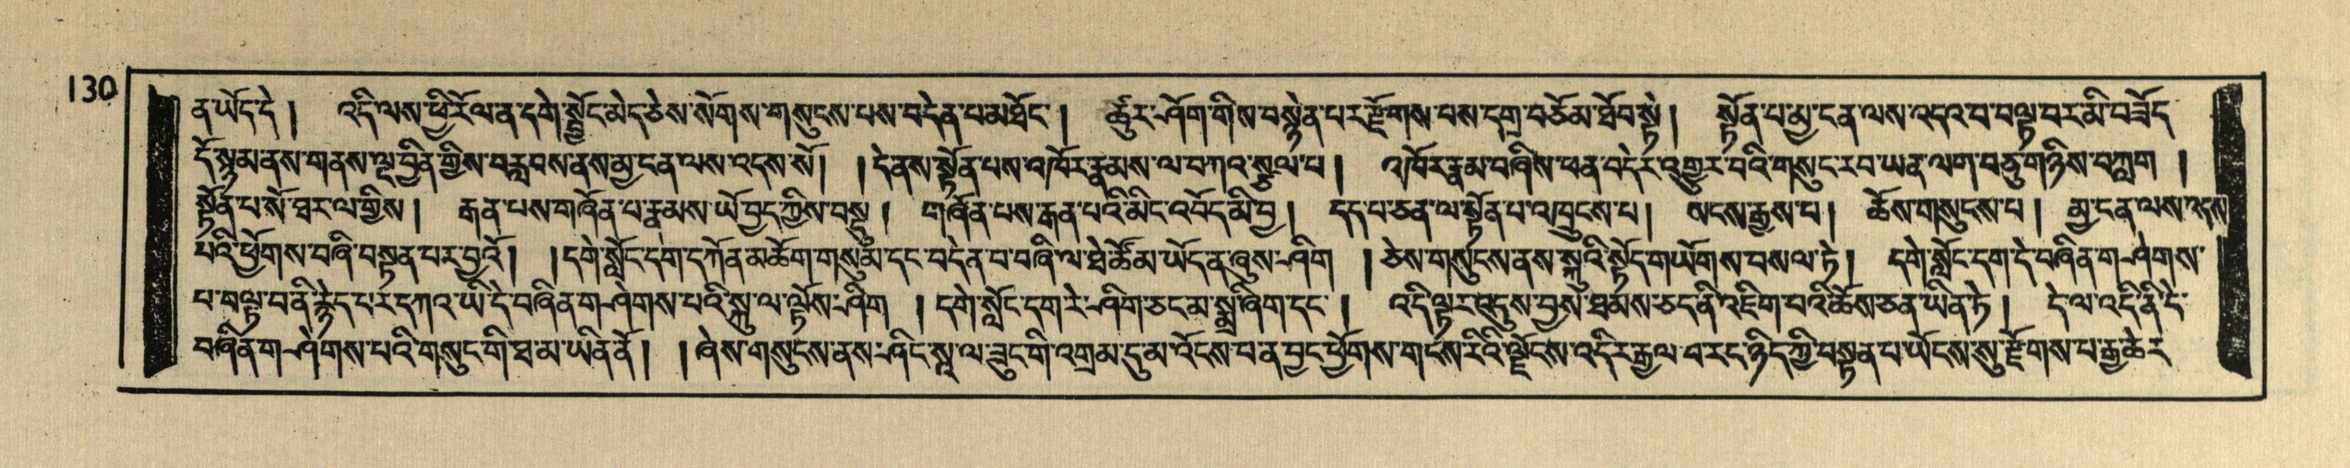ན་ཡོད་དེ། འདི་ལས་ཕྱི་རོལ་ན་དགེ་སྦྱོང་མེད་ཅེས་སོགས་གསུངས་པས་བདེན་པ་མཐོང་། ཚུར་ཤོག་གིས་བསྙེན་པར་རྫོགས་པས་དགྲ་བཅོམ་ཐོབ་སྟེ། སྟོན་པ་མྱ་ངན་ལས་འདའ་བ་བལྟ་བར་མི་བཟོད་
དོ་སྙམ་ནས་གནས་ལྔ་བྱིན་གྱིས་བརླབས་ནས་མྱ་ངན་ལས་འདས་སོ། །དེ་ནས་སྟོན་པས་འཁོར་རྣམས་ལ་བཀའ་སྩལ་པ། འཁོར་རྣམ་བཞིས་ཕན་བདེར་འགྱུར་བའི་གསུང་རབ་ཡན་ལག་བཅུ་གཉིས་བཀླག །
སྟོན་པ་སོ་ཐར་ལ་གྱིས། རྒན་པས་གཞོན་པ་རྣམས་ཡོ་བྱད་ཀྱིས་བསྡུ། གཞོན་པས་རྒན་པའི་མིང་འབོད་མི་བྱ། དད་པ་ཅན་ལ་སྟོན་པ་འཁྲུངས་པ། སངས་རྒྱས་པ། ཆོས་གསུངས་པ། མྱ་ངན་ལས་འདས་
པའི་ཕྱོགས་བཞི་བསྟན་པར་བྱའོ། །དགེ་སློང་དགེ་དཀོན་མཆོག་གསུམ་དང་བདེན་བ་བཞི་ལ་ཐེ་ཚོམ་ཡོད་ན་ཞུས་ཤིག །ཅེས་གསུངས་ནས་སྐུའི་སྟོད་གཡོགས་བསལ་ཏེ། དགེ་སློང་དག་དེ་བཞིན་གཤེགས་
པ་བལྟ་བ་ནི་རྙེད་པར་དཀའ་ཡི་དེ་བཞིན་གཤེགས་པའི་སྐུ་ལ་ལྟོས་ཤིག །དགེ་སློང་དག་རེ་ཤིག་ཅང་མ་སྨྲ་ཞིག་དང་། འདི་ལྟར་འདུས་བྱས་ཐམས་ཅད་ནི་འཇིག་བའི་ཆོས་ཅན་ཡིན་ཏེ། དེ་ལ་འདི་ནི་དེ་
བཞིན་གཤེགས་པའི་གསུང་གི་ཐ་མ་ཡིན་ནོ། །ཞེས་གསུངས་ནས་ཤིང་སཱ་ལ་ཟུང་གི་འགྲམ་དུ་མ་འོངས་པ་ན་བྱང་ཕྱོགས་གངས་རིའི་ལྗོངས་འདིར་རྒྱལ་བ་རང་ཉིད་ཀྱི་བསྟན་པ་ཡོངས་སུ་རྫོགས་པ་རྒྱ་ཆེར་